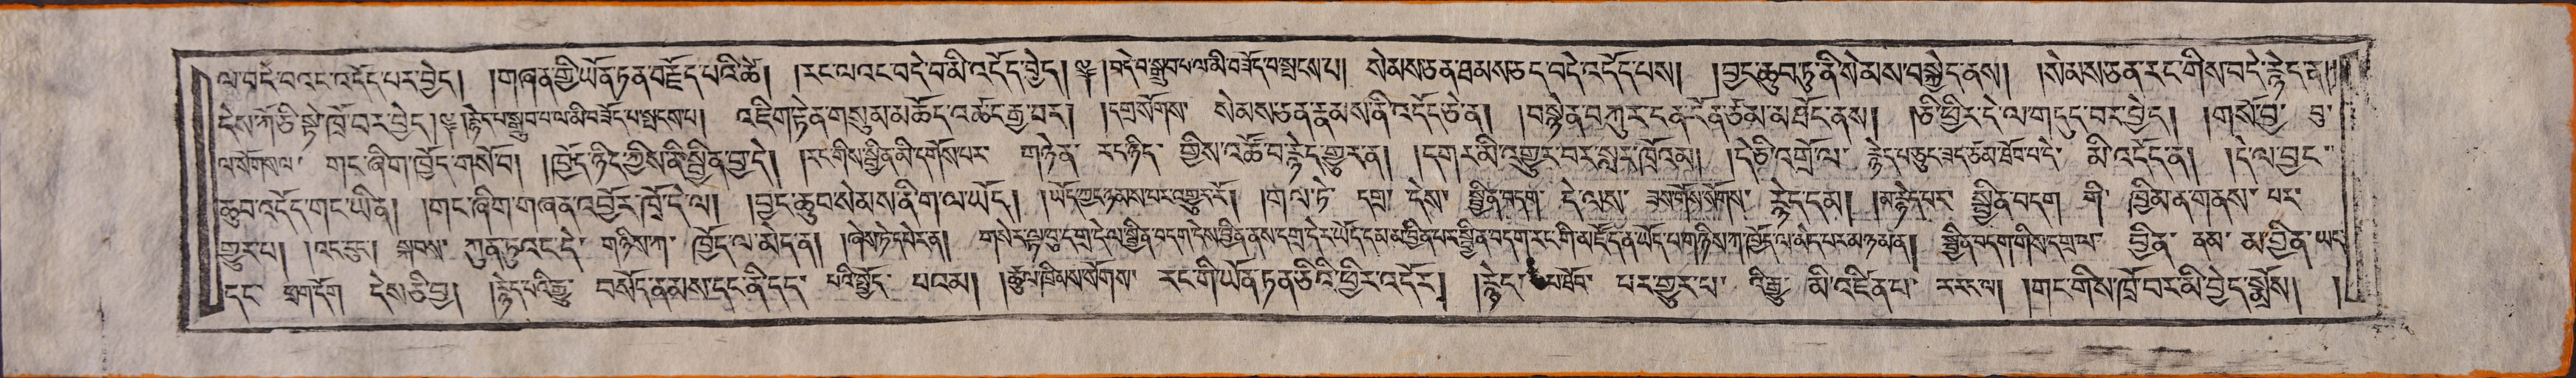ལ་བདེ་བའང་འདོད་པར་བྱེད། །གཞན་གྱི་ཡོན་ཏན་བརྗོད་པའི་ཚེ། །རང་ལའང་བདེ་བ་མི་འདོད་བྱེད། ༈ །བདེ་བ་སྒྲུབ་པ་ལ་མི་བཟོད་པ་སྤངས་པ།  སེམས་ཅན་ཐམས་ཅད་བདེ་འདོད་པས། །བྱང་ཆུབ་ཏུ་ནི་སེམས་བསྐྱེད་ནས། །སེམས་ཅན་རང་གིས་བདེ་རྙེད་ན་
དེས་ཀོ་ཅི་སྟེ་ཁྲོ་བར་བྱེད། ༈ །རྙེད་པ་སྒྲུབ་པ་ལ་མི་བཟོད་པ་སྤངས་པ།  འཇིག་རྟེན་གསུམ་མཆོད་འཚང་རྒྱ་བར། །དགྲ་སོགས་སེམས་ཅན་རྣམས་ནི་འདོད་ཅེ་ན། །བསྙེན་བཀུར་ངན་ངོན་ཙམ་མཐོང་ནས། །ཅི་ཕྱིར་དེ་ལ་གདུང་བར་བྱེད། །གསོ་བྱ་བུ་
ལ་སོགས་པ་གང་ཞིག་ཁྱོད་གསོ་བ། །ཁྱོད་ཉིད་ཀྱིས་ནི་སྦྱིན་བྱ་དེ། །རང་གིས་སྦྱིན་མི་དགོས་བར་གཉེན་རང་ཉིད་གྱིས་འཚོ་བ་རྙེད་གྱུར་ན། །དགར་མི་འགྱུར་བར་སླར་ཁྲོའམ། །དེ་ཅི་འགྲོ་ལ་རྙེད་པ་ཅུང་ཟད་ཙམ་ཐོབ་པ་དེ་མི་འདོད་ན། །དེ་ལ་བྱང་
ཆུབ་འདོད་གང་ཡིན། །གང་ཞིག་གཞན་འབྱོར་ཁྲོ་དེ་ལ། །བྱང་ཆུབ་སེམས་ནི་ག་ལ་ཡོད། །ཡོད་ཀྱང་ཉམས་པར་འགྱུར་རོ།  །གལ་ཏེ་དགྲ་དེས་སྦྱིན་བདག་དེ་ལས་ཟས་གོས་སོགས་རྙེད་དམ། །མ་རྙེད་པར་སྦྱིན་བདག་གི་ཁྱིམ་ན་གནས་པར
གྱུར་བ། །འང་རུང་། སྐབས་ཀུན་ཏུའང་དེ་གཉིས་ཀ་ཁྱོད་ལ་མེད་ན། ཞེས་ཏེ་དཔེར་ན། གསེར་ལྟ་བུ་དགྲ་དེ་ལ་སྦྱིན་བདག་དེས་བྱིན་ནས་དགྲ་དེར་ཡོད་དམ་མ་བྱིན་པར་སྦྱིན་བདག་རང་གི་མཛོད་ན་ཡོད་པ་གཉིས་ཀ་ཁྱོད་ལ་མེད་པར་མཉམ་ན། སྦྱིན་བདག་གིས་དགྲ་ལ་བྱིན་ནམ་མ་བྱིན་ཡང
རུང་ཕྲག་དོག།  དེས་ཅི་བྱ། །རྙེད་པའི་རྒྱུ་བསོད་ནམས་དང་ནི་དད་པའི་སྤྱོད་པའམ། །ཚུལ་ཁྲིམས་སོགས་རང་གི་ཡོན་ཏན་ཅིའི་ཕྱིར་འདོར། །རྙེད་པ་ཐོབ་པར་གྱུར་པ། འི་རྒྱུ་མི་འཛིན་པ་ར་རང་ལ།  །གང་གིས་ཁྲོ་བར་མི་བྱེད་སྨྲོས། །